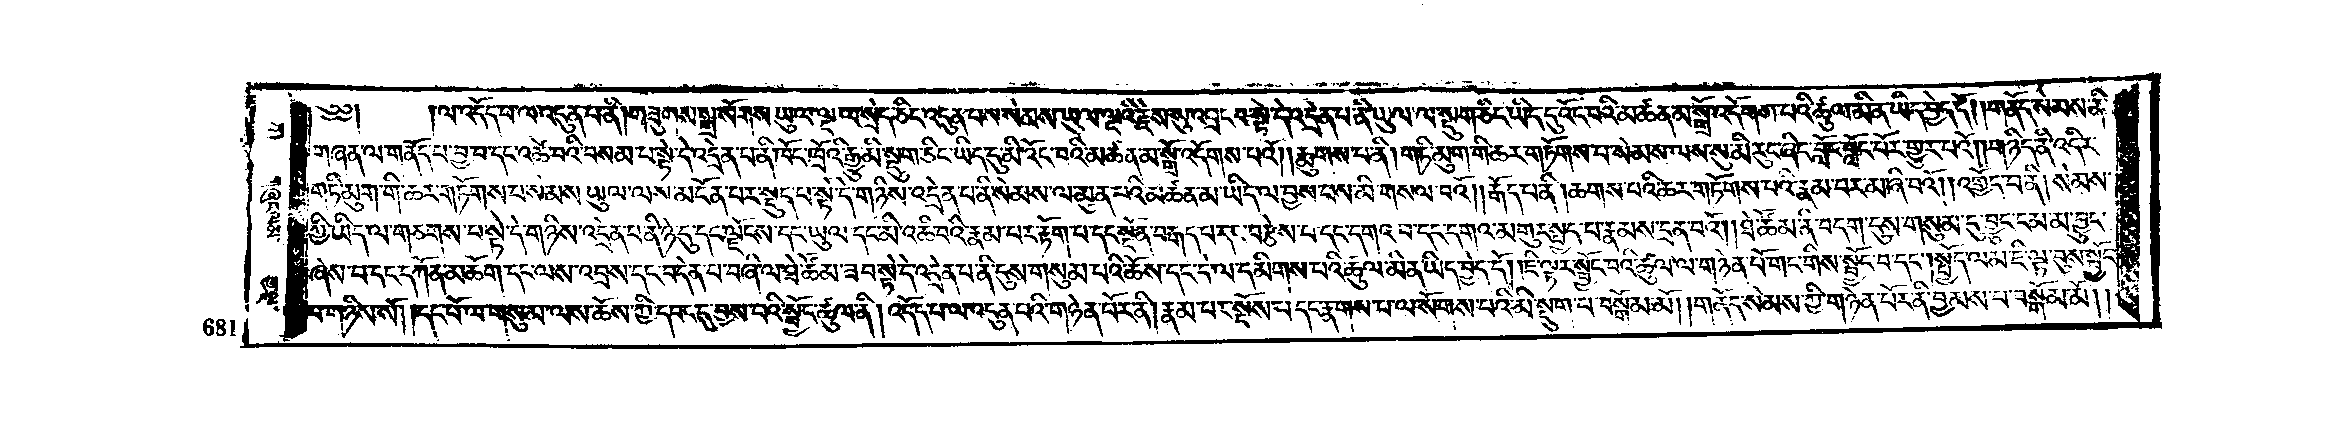༄༅། །ལ་འདོད་པ་ལ་འདུན་པ་ནི། གཟུགས་སྒྲ་སོགས་ཡུལ་ལྔ་ལ་སྲེད་ཅིང་འདུན་པས་སེམས་ཡུལ་ལྔའི་རྗེས་སུ་འབྲང་བ་སྟེ་དེ་འདྲེན་པ་ནི་ཡུལ་ལ་སྡུག་ཅིང་ཡིད་དུ་འོང་བའི་མཚན་མ་སྒྲོ་འདོགས་པའི་ཚུལ་མིན་ཡིད་བྱེད་དོ། །གནོད་སེམས་ནི་
གཞན་ལ་གནོད་པ་བྱ་བ་དང་འཚེ་བའི་བསམ་པ་སྟེ་དེ་འདྲེན་པ་ནི་ཁོང་ཁྲོའི་རྒྱུ་མི་སྡུག་ཅིང་ཡིད་དུ་མི་འོང་བའི་མཚན་མ་སྒྲོ་འདོགས་པའོ། །རྨུགས་པ་ནི། གཏི་མུག་གི་ཆར་གཏོགས་པ་སེམས་ལས་སུ་མི་རུང་ཞིང་བློང་བློང་པོར་གྱུར་པའོ། །གཉིད་ནི་འདིར་
གཏི་མུག་གི་ཆར་གཏོགས་པ་སེམས་ཡུལ་ལས་མངོན་པར་སྡུད་པ་སྟེ་དེ་གཉིས་འདྲེན་པ་ནི་སེམས་ལ་མུན་པའི་མཚན་མ་ཡིད་ལ་བྱས་པས་མི་གསལ་བའོ། །རྒོད་པ་ནི། ཆགས་པའི་ཆར་གཏོགས་པའི་རྣམ་པར་མ་ཞི་བའོ། །འགྱོད་པ་ནི། སེམས་
ཀྱི་ཡིད་ལ་གཅགས་པ་སྟེ་དེ་གཉིས་འདྲེན་པ་ནི་ཉེ་དུ་དང་ལྗོངས་དང་ཡུལ་དང་མི་འཆི་བའི་རྣམ་པར་རྟོག་པ་དང་སྔོན་བརྒད་པ་དང་བརྩེས་པ་དང་དགའ་བ་དང་དགའ་མགུར་སྤྱད་པ་རྣམས་དྲན་པའོ། །ཐེ་ཚོམ་ནི་བདག་དུས་གསུམ་དུ་བྱུང་ངམ་མ་བྱུང་
ཞེས་པ་དང་དཀོན་མཆོག་དང་ལས་འབྲས་དང་བདེན་པ་བཞི་ལ་ཐེ་ཚོམ་ཟ་བ་སྟེ་དེ་འདྲེན་པ་ནི་དུས་གསུམ་པའི་ཆོས་དང་དེ་ལ་དམིགས་པའི་ཚུལ་མིན་ཡིད་བྱེད་དོ། །ཇི་ལྟར་སྦྱོང་བའི་ཚུལ་ལ་གཉེན་པོ་གང་གིས་སྦྱོང་བ་དང་། སྤྱོད་ལམ་ཇི་ལྟ་བུས་སྦྱོང་
བ་གཉིས་སོ། །དང་པོ་ལ་གསུམ་ལས་ཆོས་ཀྱི་དབང་དུ་བྱས་པའི་སྦྱོང་ཚུལ་ནི། འདོད་པ་ལ་འདུན་པའི་གཉེན་པོར་ནི། རྣམ་པར་སྔོས་པ་དང་རྣགས་པ་ལ་སོགས་པའི་མི་སྡུག་པ་བསྒོམ་མི། །གནོད་སེམས་ཀྱི་གཉེན་པོར་ནི་བྱམས་པ་བསྒོམས་མོ། །